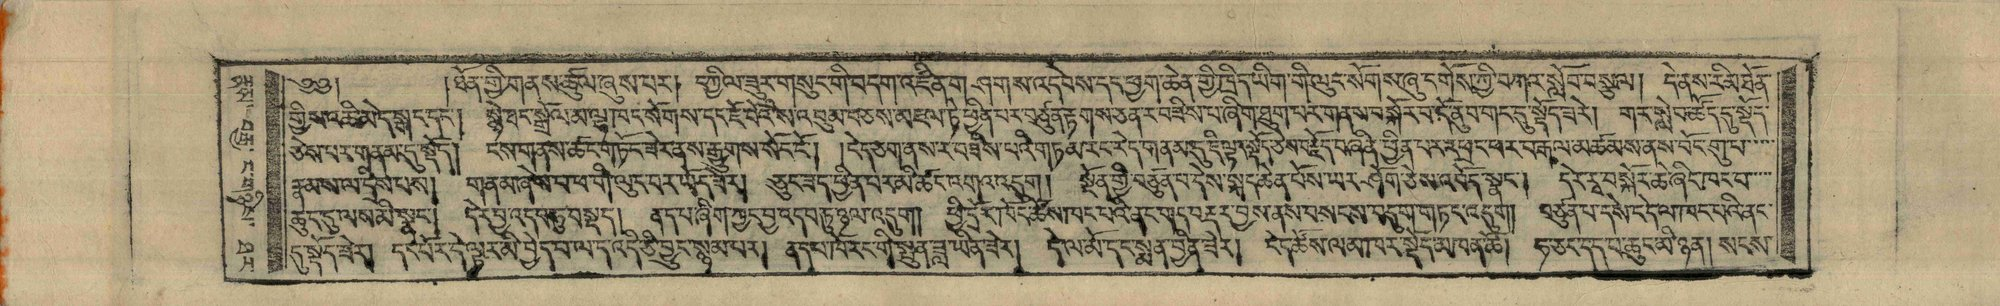༄༅། །ཐོན་གྱི་གནས་ཚུལ་ཞུས་པར། དཀྱིལ་ཟུར་གསུང་གི་བདག་འཛིན་གཤགས་འདེབས་དང་ཕྱག་ཆེན་གྱི་ཁྲིད་ཡིག་གི་ལུང་སོགས་ཞུ་དགོས་ཀྱི་བཀའ་སློབ་བསྩལ། དེ་ནས་རིམ་ཐོན་
གྱིས་འཆི་མེད་སྒང་དང་། སྙེ་ཐང་སྒྲོལ་མ་ལྷ་ཁང་སོགས་དང་ཇོ་བོའི་ས་འབུམ་བཅས་མཇལ་ཏེ་ཕྱིན་པར་བཙུན་རྟགས་ཅན་ར་བཟིས་པ་ཞིག་ཐུག་པར་གནས་བསྐོར་བ་དོ་ནུབ་གང་དུ་སྡོད་ཟེར། གར་སླེབ་ཚོད་དུ་སྡོད་
ཅེས་པར་གནམ་དུ་སྡོད། ངས་གནས་ཚང་གཏོང་ཟེར་ནས་རྒྱུགས་སོང་ངོ། ངེད་ཅག་ནས་ར་བཟིས་པའི་གཏམ་རང་རེད་གནམ་དུ་ཇི་ལྟར་སྡོད་ཅེས་བརྗོད་བཞིན་ཕྱིན་པར་འཕྲང་ཕར་བརྒལ་མཚམས་ནས་བོང་གུ་པ་
རྣམས་ལ་དྲིས་པས། གནམ་ཞེས་པ་ཕ་གི་ལུང་བར་ཡོད་ཟེར། ཅུང་ཟད་ཕྱིན་པར་མི་ཚང་འགའ་འདུག །སྔོན་གྱི་བཙུན་པ་དེས་སྐད་ཆེན་པོས་ཡར་ཤོག་ཅེས་འབོད་སྣང་། དེར་རྭ་བསྐོར་ཆེ་ཞིང་ཁང་པ་
ཆུང་དུ་ལས་མི་སྣང་། དེར་བྱ་འདབ་ཏུ་བསྡད། ནད་པ་ཞིག་ཀྱང་བྱ་འདབ་ཏུ་ཉལ་འདུག །ཕྱི་དྲོར་ཁོང་ཚོས་ཁང་པའི་ནང་གད་བརྡར་བྱས་ནས་བསངས་བདུག་གཏང་འདུག །བཙུན་པ་དེས་ངེད་ལ་ཁང་པའི་ནང་
དུ་སྡོད་ཟེར། དང་པོར་དེ་ལྟར་མི་བྱེད་པ་ལ་ད་འདི་ཅི་བྱུང་སྙམ་པར། ནད་པ་ཁོ་རང་གི་སྤུན་ཟླ་ཡིན་ཟེར། དེ་ལ་མོ་དང་སྨན་བྱིན་ཟེར། ངེད་ཚོས་ལམ་ཁར་སྡོད་མཁན་ཚེ། ཧ་ཅང་དད་པ་ཆུང་མི་ཉན། སངས་